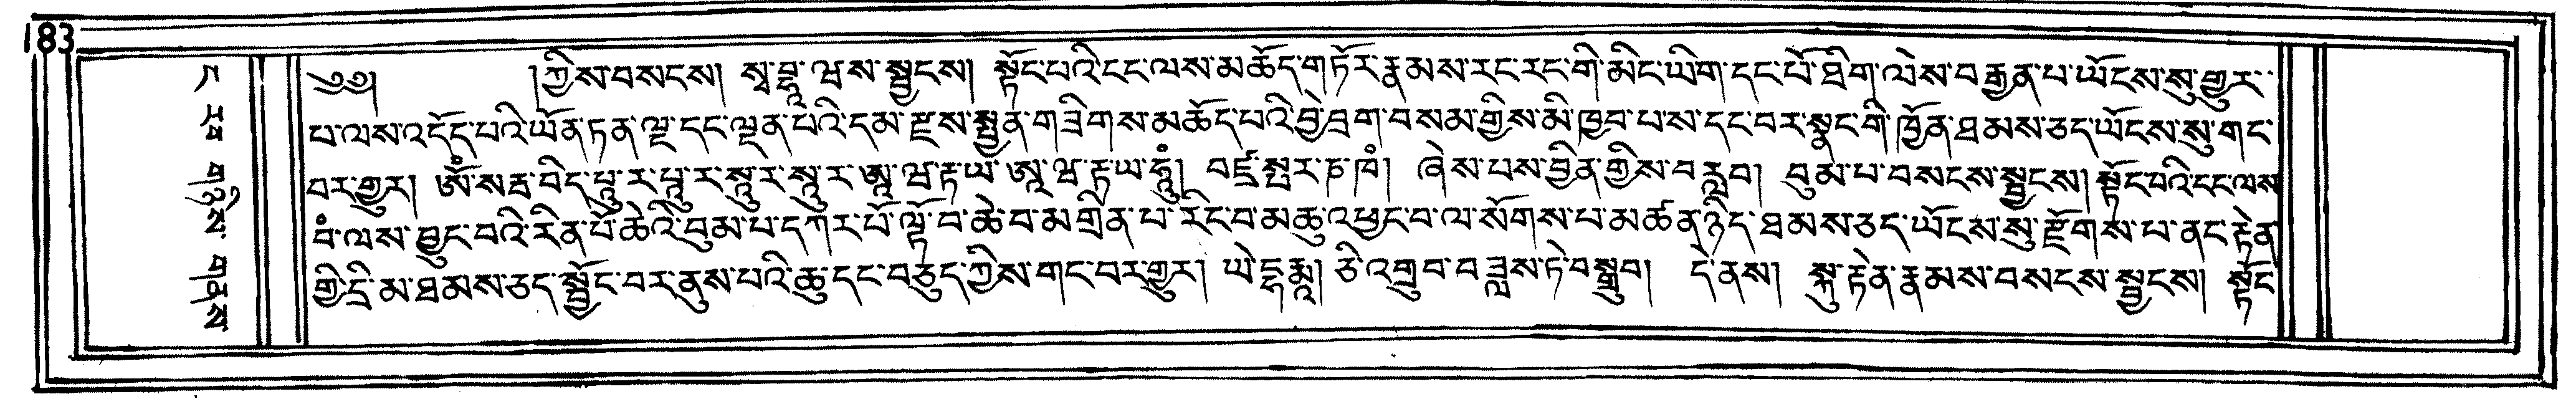༄༅། །ཀྱིས་བསངས། སྭ་བྷཱ་ཝས་སྦྱངས། སྟོང་པའི་ངང་ལས་མཆོད་གཏོར་རྣམས་རང་རང་གི་མིང་ཡིག་དང་པོ་ཐིག་ལེས་བརྒྱན་པ་ཡོངས་སུ་གྱུར་
པ་ལས་འདོད་པའི་ཡོན་ཏན་ལྔ་དང་ལྡན་པའི་དམ་རྫས་སྤྱན་གཟིགས་མཆོད་པའི་བྱེ་བྲག་བསམ་གྱིས་མི་ཁྱབ་པ་ས་དང་བར་སྣང་གི་ཁྱོན་ཐམས་ཅད་ཡོངས་སུ་གང་
བར་གྱུར། ཨོཾ་སརྦ་བིད་པཱུ་ར་པཱུ་ར་སཱུ་ར་སཱུ་ར་ཨཱ་ཝ་རྟ་ཡ་ཨཱ་ཝ་རྟ་ཡ་ཧཱུཾ། བྫྲ་སྤར་ཎ་ཁཾ། ཞེས་པས་བྱིན་གྱིས་བརླབ། བུམ་པ་བསངས་སྦྱངས། སྟོང་པའི་ངང་ལས་
བཾ་ལས་བྱུང་བའི་རིན་པོ་ཆེའི་བུམ་པ་དཀར་པོ་ལྟོ་བ་ཆེ་བ་མགྲིན་པ་རིང་བ་མཆུ་འཕྱང་བ་ལ་སོགས་པ་མཚན་ཉིད་ཐམས་ཅད་ཡོངས་སུ་རྫོགས་པ་ནང་རྟེན་
གྱི་དྲི་མ་ཐམས་ཅད་སྦྱོང་བར་ནུས་པའི་ཆུ་དང་བཅུད་ཀྱིས་གང་བར་གྱུར། ཡེ་དྷ་རྨཱ། ཅི་འགྲུབ་བཟླས་ཏེ་བསྒྲུབ། དེ་ནས། སྐུ་རྟེན་རྣམས་བསངས་སྦྱངས། སྟོང་